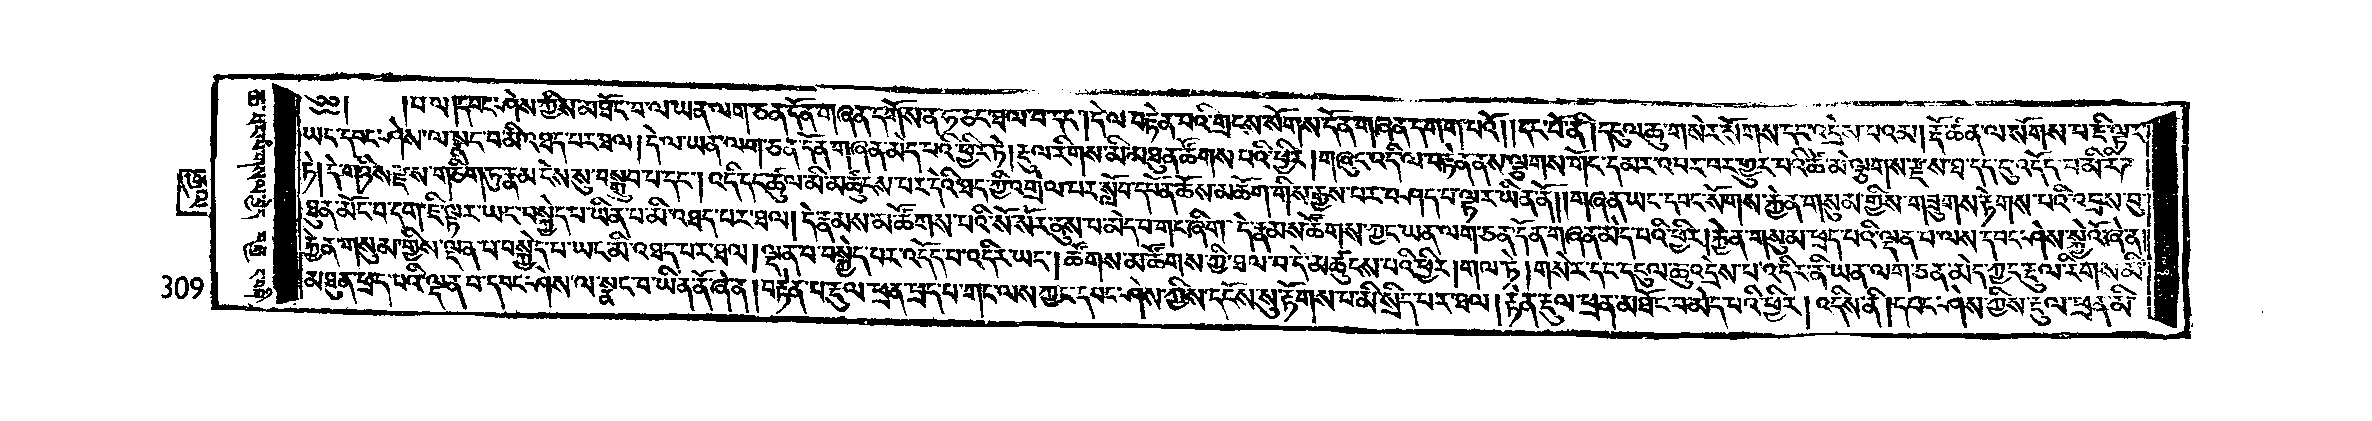༄༅། །པ་ལ། དབང་ཤེས་ཀྱིས་མཐོང་བ་ལ་ཡན་ལག་ཅན་དོན་གཞན་དགོས་ན་ཧ་ཅང་ཐལ་བ་དང་། དེ་ལ་བརྟེན་པའི་གྲངས་སོགས་དོན་གཞན་དགག་པའོ། །དང་པོ་ནི། དངུལ་ཆུ་གསེར་སོགས་དང་འདྲེས་པའམ། རྡོ་ཚན་ལ་སོགས་པ་ཇི་ལྟར་
ཡང་དབང་ཤེས་ལ་སྣང་བ་མི་འཐད་པར་ཐལ། དེ་ལ་ཡན་ལག་ཅན་དོན་གཞན་མེད་པའི་ཕྱིར་ཏེ། རྡུལ་རིགས་མི་མཐུན་ཚོགས་པའི་ཕྱིར། གཞུང་འདི་ལ་བརྟེན་ནས་ལྕགས་གོང་དམར་འབར་བར་གྱུར་པའི་ཚེ་མེ་ལྕགས་རྫས་ཐ་དད་དུ་འདོད་པ་མི་རིཌ་
ཏེ། དེ་གཉིས་རྫས་གཅིག་ཏུ་རྣམ་ངེས་སུ་བསྒྲུབ་པ་དང་། འདི་དང་ཚུལ་མི་མཚུངས་པར་དེའི་ཐད་ཀྱི་འགྲེལ་པར་སློབ་དཔོན་ཆོས་མཆོག་གིས་རྒྱས་པར་བཤད་པ་ལྟར་ཡིན་ནོ། །གཞན་ཡང་དབང་སོགས་རྐྱེན་གསུམ་གྱིས་གཟུགས་རྟོགས་པའི་འབྲས་བུ་
ཐུན་མོང་བ་དག་ཇི་ལྟར་ཡང་བསྐྱེད་པ་ཡིན་པ་མི་འཐད་པར་ཐལ། དེ་རྣམས་མ་ཚོགས་པའི་སོ་སོར་ནུས་པ་མེད་པ་གང་ཞིག་དེ་རྣམས་ཚོགས་ཀྱང་ཡན་ལག་ཅན་དོན་གཞན་མེད་པའི་ཕྱིར། རྐྱེན་གསུམ་ཕྲད་པའི་ལྡན་པ་ལས་དབང་ཤེས་སྐྱེའོ་ཞེ་ན།
རྐྱེན་གསུམ་གྱིས་ལྡན་པ་བསྐྱེད་པ་ཡང་མི་འཐད་པར་ཐལ། ལྡན་པ་བསྐྱེད་པར་འདོད་པ་འདིར་ཡང་། ཚོགས་མ་ཚོགས་ཀྱི་ཐལ་བ་དེ་མཚུངས་པའི་ཕྱིར། གལ་ཏེ། གསེར་དང་དངུལ་ཆུ་འདྲེས་པ་འདིར་ནི་ཡན་ལག་ཅན་མེད་ཀྱང་རྡུལ་རིགས་མི་
མཐུན་ཕྲད་པའི་ལྡན་པ་དབང་ཤེས་ལ་སྣང་བ་ཡིན་ནོ་ཞེ་ན། བརྟེན་པ་རྡུལ་ཕྲན་ཕྲད་པ་གང་ལས་ཀྱང་དབང་ཤེས་ཀྱིས་དངོས་སུ་རྟོགས་པ་མི་སྲིད་པར་ཐལ། རྟེན་རྡུལ་ཕྲན་མཐོང་བ་མེད་པའི་ཕྱིར། འདིས་ནི། དབང་ཤེས་ཀྱིས་རྡུལ་ཕྲན་མི་